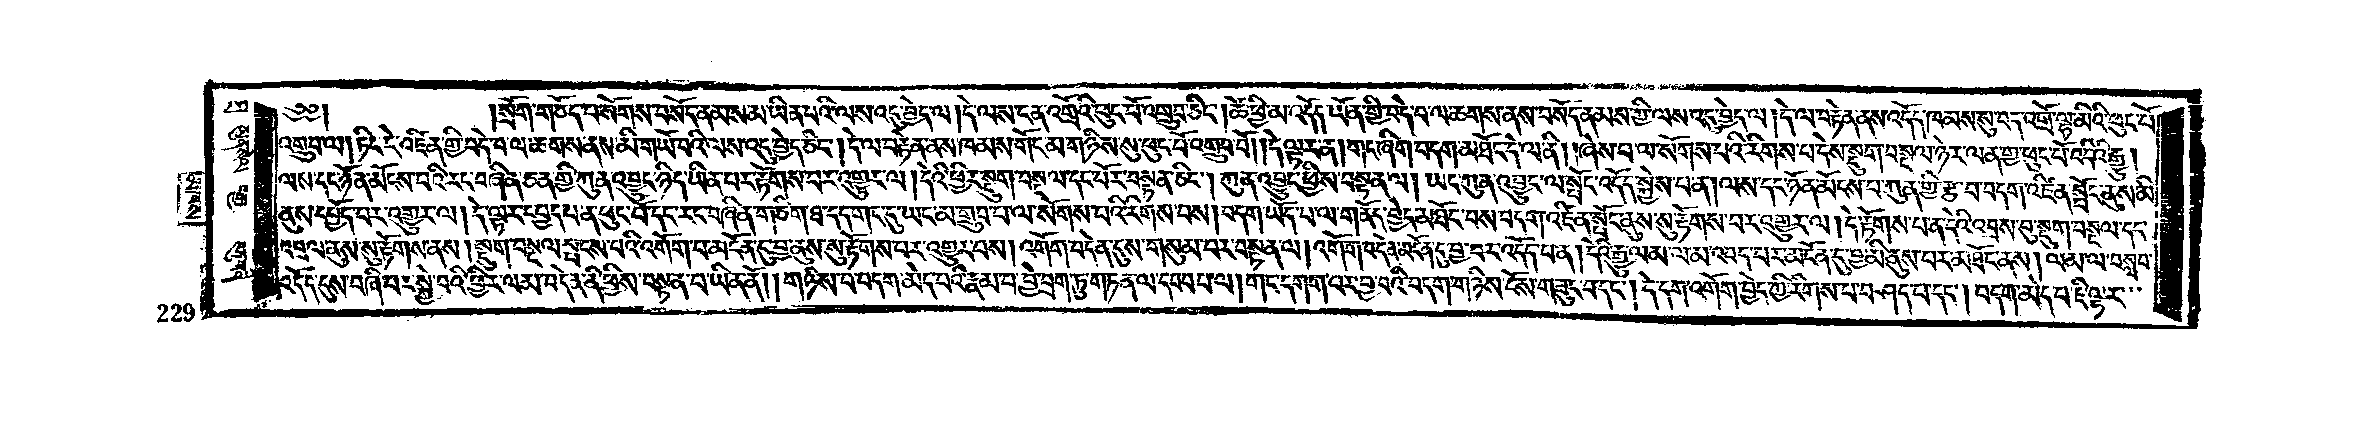༄༅། །སྲོག་གཅོད་པ་སོགས་བསོད་ནམས་མ་ཡིན་པའི་ལས་འདུ་བྱེད་ལ། དེ་ལས་ངན་འགྲོའི་ཕུང་པོ་འགྲུབ་ཅིང་། ཚེ་ཕྱི་མ་འདོད་ཡོན་གྱི་བདེ་བ་ལ་ཆགས་ནས་བསོད་ནམས་ཀྱི་ལས་འདུ་བྱེད་ལ། དེ་ལ་བརྟེན་ནས་འདོད་ཁམས་སུ་བད་འགྲོ་ལྷ་མིའི་ཕུང་པོ་
འགྲུབ་ལ། ཏིང་ངེ་འཛིན་གྱི་བདེ་བ་ལ་ཆགས་ནས་མི་གཡོ་བའི་ལས་འདུ་བྱེད་ཅིང་། དེ་ལ་བརྟེན་ནས་ཁམས་གོང་མ་གཉིས་སུ་ཕུང་པོ་འགྲུབ་བོ། །དེ་ལྟར་ན། གང་ཞིག་བདག་མཐོང་དེ་ལ་ནི། །ཞེས་པ་ལ་སོགས་པའི་རིགས་པ་དེས་སྡུག་བསྔལ་ཉེར་ལན་གྱི་ཕུང་པོ་འདིའི་རྒྱུ།
ལས་དང་ཉོན་མོངས་པའི་རང་བཞིན་ཅན་གྱི་ཀུན་འབྱུང་ཉིད་ཡིན་པར་རྟོགས་པར་འགྱུར་ལ། དེའི་ཕྱིར་སྡུག་བསྔལ་དང་པོར་བསྟན་ཅིང་། ཀུན་འབྱུང་ཕྱིས་བསྟན་ལ། ཡང་ཀུན་འབྱུང་ལ་སྤོང་འདོད་སྐྱེས་པ་ན། ལས་དང་ཉོན་མོངས་པ་ཀུན་གྱི་རྩ་བ་བདག་འཛིན་སྤོང་ནུས་མི་
ནུས་དཔྱོད་པར་འགྱུར་ལ། དེ་ལྟར་དཔྱད་པ་ན་ཕུང་པོ་དང་རང་བཞིན་གཅིག་ཐ་དད་གང་དུ་ཡང་མ་གྲུབ་པ་ལ་སོགས་པའི་རིགས་པས། བདག་ཡོད་པ་ལ་གནོད་བྱེད་མཐོང་བས་བདག་འཛིན་སྤོང་ནུས་སུ་རྟོགས་པར་འགྱུར་ལ། དེ་རྟོགས་པ་ན་དེའི་འབྲས་བུ་སྡུག་བསྔལ་དང་
འབྲལ་ནུས་སུ་རྟོགས་ནས། སྡུག་བསྔལ་སྤངས་པའི་འགོག་པ་མངོན་དུ་བྱས་ནུས་སུ་རྟོགས་པར་འགྱུར་བས། འགོག་བདེན་དུས་གསུམ་པར་བསྟན་ལ། འགོག་བདེན་མངོན་དུ་བྱ་བར་འདོད་པ་ན། དེའི་རྒྱུ་ལམ་ལམ་འབད་པར་མངོན་དུ་བྱ་མི་ནུས་པར་མཐོང་ནས། ལམ་ལ་བསླབ་
འདོད་དུས་བཞི་པར་སྐྱེ་བའི་ཕྱིར་ལམ་བདེན་ནི་ཕྱིས་བསྟན་པ་ཡིན་ནོ། །གཉིས་པ་བདག་མེད་པའི་རྣམ་པ་བྱེ་བྲག་ཏུ་གཏན་ལ་དབབ་པ་ལ། གང་དགག་པར་བྱ་བའི་བདག་གཉིས་ངོས་གཟུང་བ་དང་། དེ་དག་འགོག་བྱེད་ཀྱི་རིགས་པ་བཤད་པ་དང་། བདག་མེད་པ་ཇི་ལྟར་